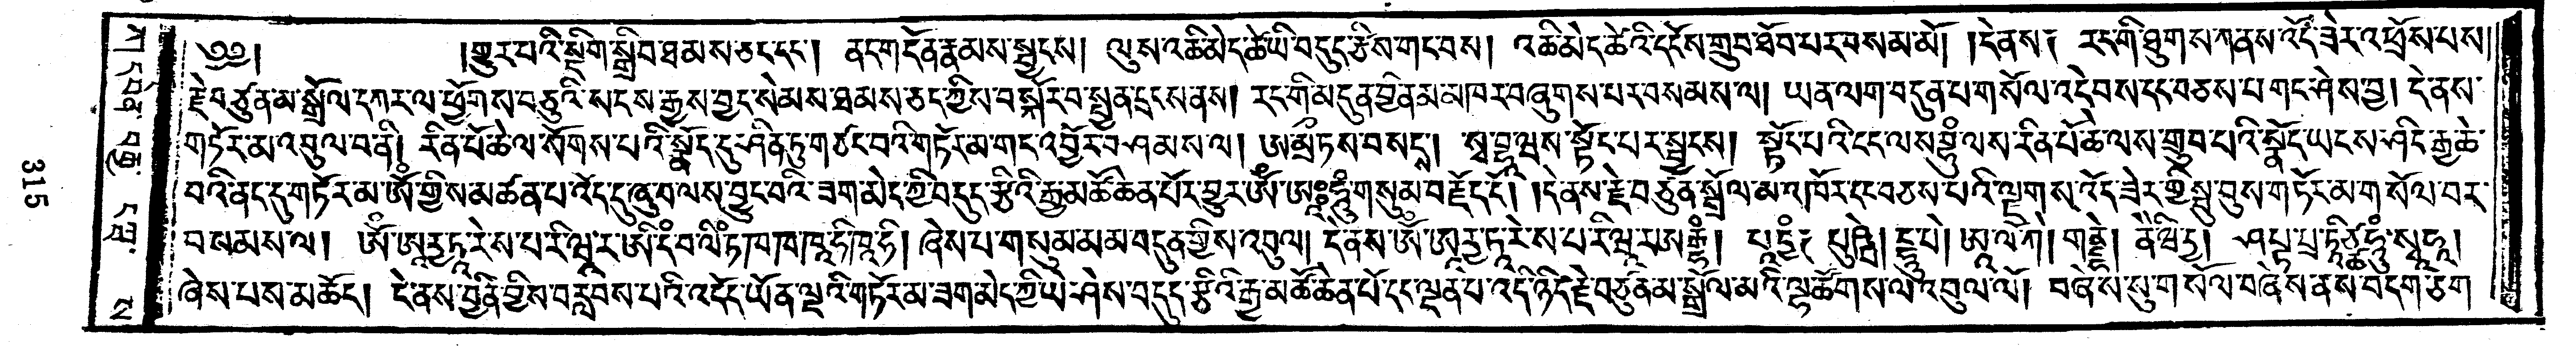༄༅། །གྱུར་པའི་སྡིག་སྒྲིབ་ཐམས་ཅད་དང་། ནད་གདོན་རྣམས་སྦྱངས། ལུས་འཆི་མེད་ཚེ་ཡི་བདུད་རྩིས་གང་བས། འཆི་མེད་ཚེའི་དངོས་གྲུབ་ཐོབ་པར་བསམ་མོ། །དེ་ནས༑ རང་གི་ཐུགས་ཀ་ནས་འོད་ཟེར་འཕྲོས་པས།
རྗེ་བཙུན་མ་སྒྲོལ་དཀར་ལ་ཕྱོགས་བཅུའི་སངས་རྒྱས་བྱང་སེམས་ཐམས་ཅད་ཀྱིས་བསྐོར་བ་སྤྱན་དྲངས་ནས། རང་གི་མདུན་བྱི་ནམ་མཁར་བཞུགས་པར་བསམས་ལ། ཡན་ལག་བདུན་པ་གསོལ་འདེབས་དང་བཅས་པ་གང་ཤེས་བྱ། དེ་ནས་
གཏོར་མ་འབུལ་བ་ནི། རིན་པོ་ཆེ་ལ་སོགས་པའི་སྣོད་དུ་ཤིན་ཏུ་གཙང་བའི་གཏོར་མ་གང་འབྱོར་བཤམས་ལ། ཨ་མྲྀ་ཏས་བསངས། སྭ་བྷཱ་ཝས་སྟོང་པར་སྦྱངས། སྟོང་པའི་ངང་ལས་བྷུཾ་ལས་རིན་པོ་ཆེ་ལས་གྲུབ་པའི་སྣོད་ཡངས་ཤིང་རྒྱ་ཆེ་
བའི་ནང་དུ་གཏོར་མ་ཨོཾ་གྱིས་མཚན་པ་འོད་དུ་ཞུ་བ་ལས་བྱུང་བའི་ཟག་མེད་ཀྱི་བདུད་རྩིའི་རྒྱ་མཚོ་ཆེན་པོར་བྱུར་ཨོཾ་ཨཱཿ ཧཱུཾ་གསུམ་བརྗོད་དོ། །དེ་ནས་རྗེ་བཙུན་སྒྲོལ་མ་འཁོར་དང་བཅས་པའི་ལྗགས་འོད་ཟེར་གྱི་སྦུ་བུས་གཏོར་མ་གསོལ་བར་
བ་སམས་ལ། ཨོཾ་ཨཱརྱ་ཏཱ་རེ་ས་པ་རི་ཝཱ་ར་ཨི་དཾ་བ་ལིཾ་ཏ་ཁ་ཁ་ཁཱ་ཧི་ཁཱ་ཧི། ཞེས་པ་གསུམ་མམ་བདུན་གྱིས་འབུལ། དེ་ནས་ཨོཾ་ཨཱ་རྱ་ཏཱ་རེ་ས་པ་རི་ཝཱ་ར་ཨརྒྷཾ། པཱདྱཾ༑ པུཥྤེ། དྷཱུ་པེ། ཨཱ་ལོ་ཀེ། གནྡྷེ། ནཻ་ཝི་དྱ། ཤཔྟ་པྲ་ཏཱིཙྪ་ཧཱུཾ་སྭཱཧཱ།
ཞེས་པས་མཆོད། དེ་ནས་བྱིན་གྱིས་བརླབས་པའི་འདོད་ཡོན་ལྔའི་གཏོར་མ་ཟག་མེད་ཀྱི་ཡེ་ཤེས་བདུད་རྩིའི་རྒྱ་མཚོ་ཆེན་པོ་དང་ལྡན་པ་འདི་ཉིད་རྗེ་བཙུན་མ་སྒྲོལ་མའི་ལྷ་ཚོགས་ལ་འབུལ་ལོ། བཞེ་ས་སུ་གསོལ་བཞེས་ནས་བདག་ཅག་